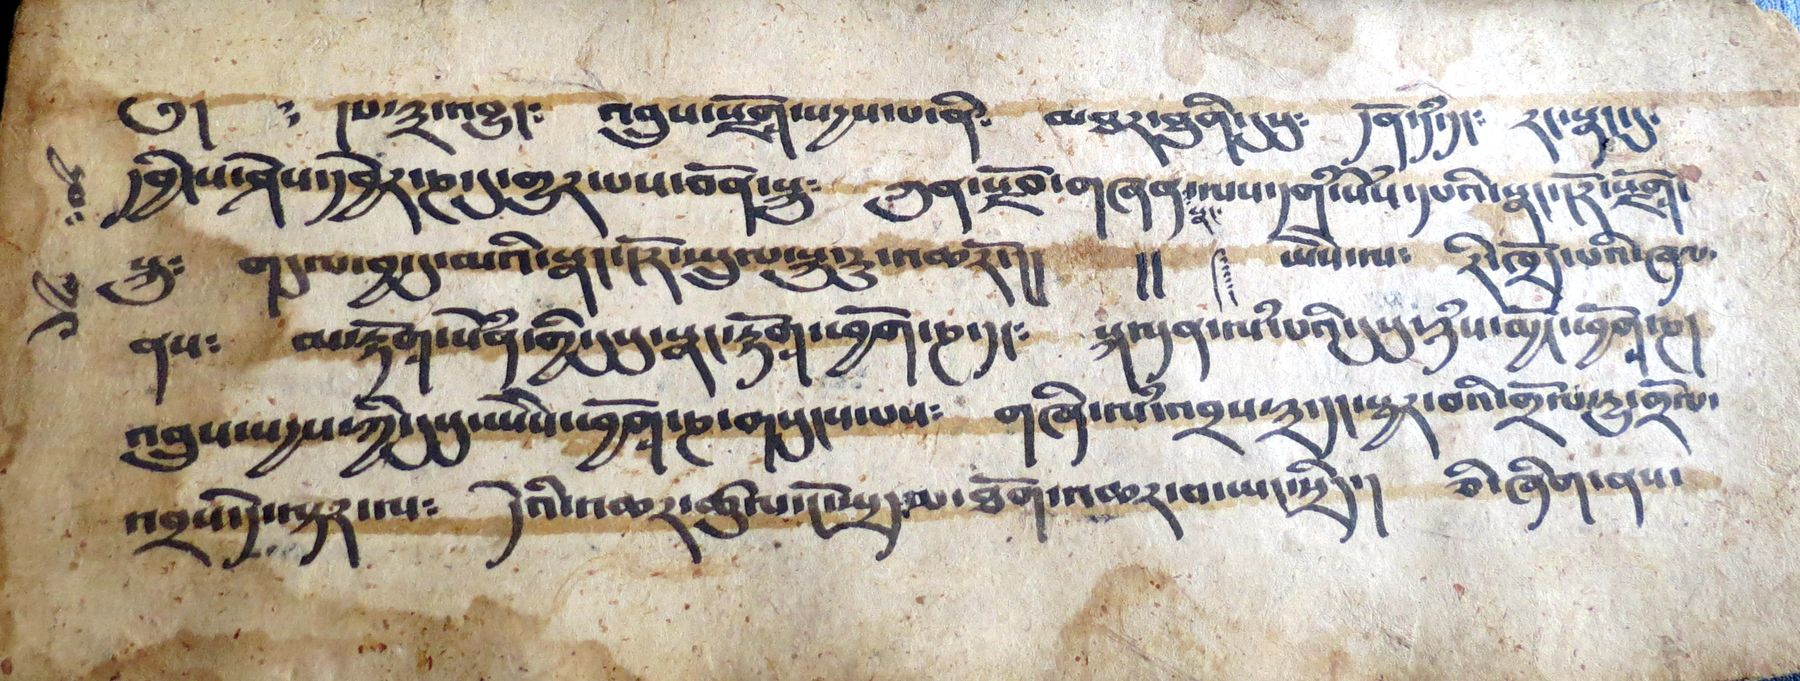པ་གསུམ་དུ་འབྱུང་། འབྲས་བུ་རྫོགས་སངས་རྒྱས་པའི་སྐུ་གསུམ་ནི་མཐར་ཐུག་གི་དུས་སུ། དོན་དམ་རང་སྣང་དུ་
དབྱིངས་ཤེས་དབྱེར་མེད་དུ་གྱུར་པས་བོན་སྐུ། ཀུན་རྫོབ་གཞན་སྣང་དུ་ལས་དག་སེམས་དཔའི་སྣང་ངོར་རྫོགས་
སྐུ། གདུལ་བྱ་དུ་མའི་སྣང་ངོར་སྤྲུལ་སྐུ་རུ་འཆར་རོ། ། གཉིས་པ་ཡེ་ཤེས་ལ། རི་ཁྲོད་པའི་ཞལ་
ནས། མ་རྟོགས་སེམས་ཅན་གྱི་དུས་སུ་དྲན་རྟོག་ཕྱོགས་མེད། སྐལ་ལྡན་ལམ་པའི་དུས་སུ། ཉམས་མྱོང་ཕྱོགས་མེད། 
འབྲས་བུ་སངས་རྒྱས་ཀྱི་དུས་སུ་ཡེ་ཤེས་ཕྱོགས་མེད། གསུངས་པས། གཞི་ལམ་འབྲས་གསུམ་དང་སྦྱར་བའི་གྲོལ་རྒྱུ་གྲོལ་
འབྲས་དེ་ལྟར་ལ། དེ་ཡི་འཆར་ཚུལ། ངོ་སྤྲད་མ་ཐག་འཆར་བ་ཡང་སྲིད། ཇི་ཞིག་ནས་